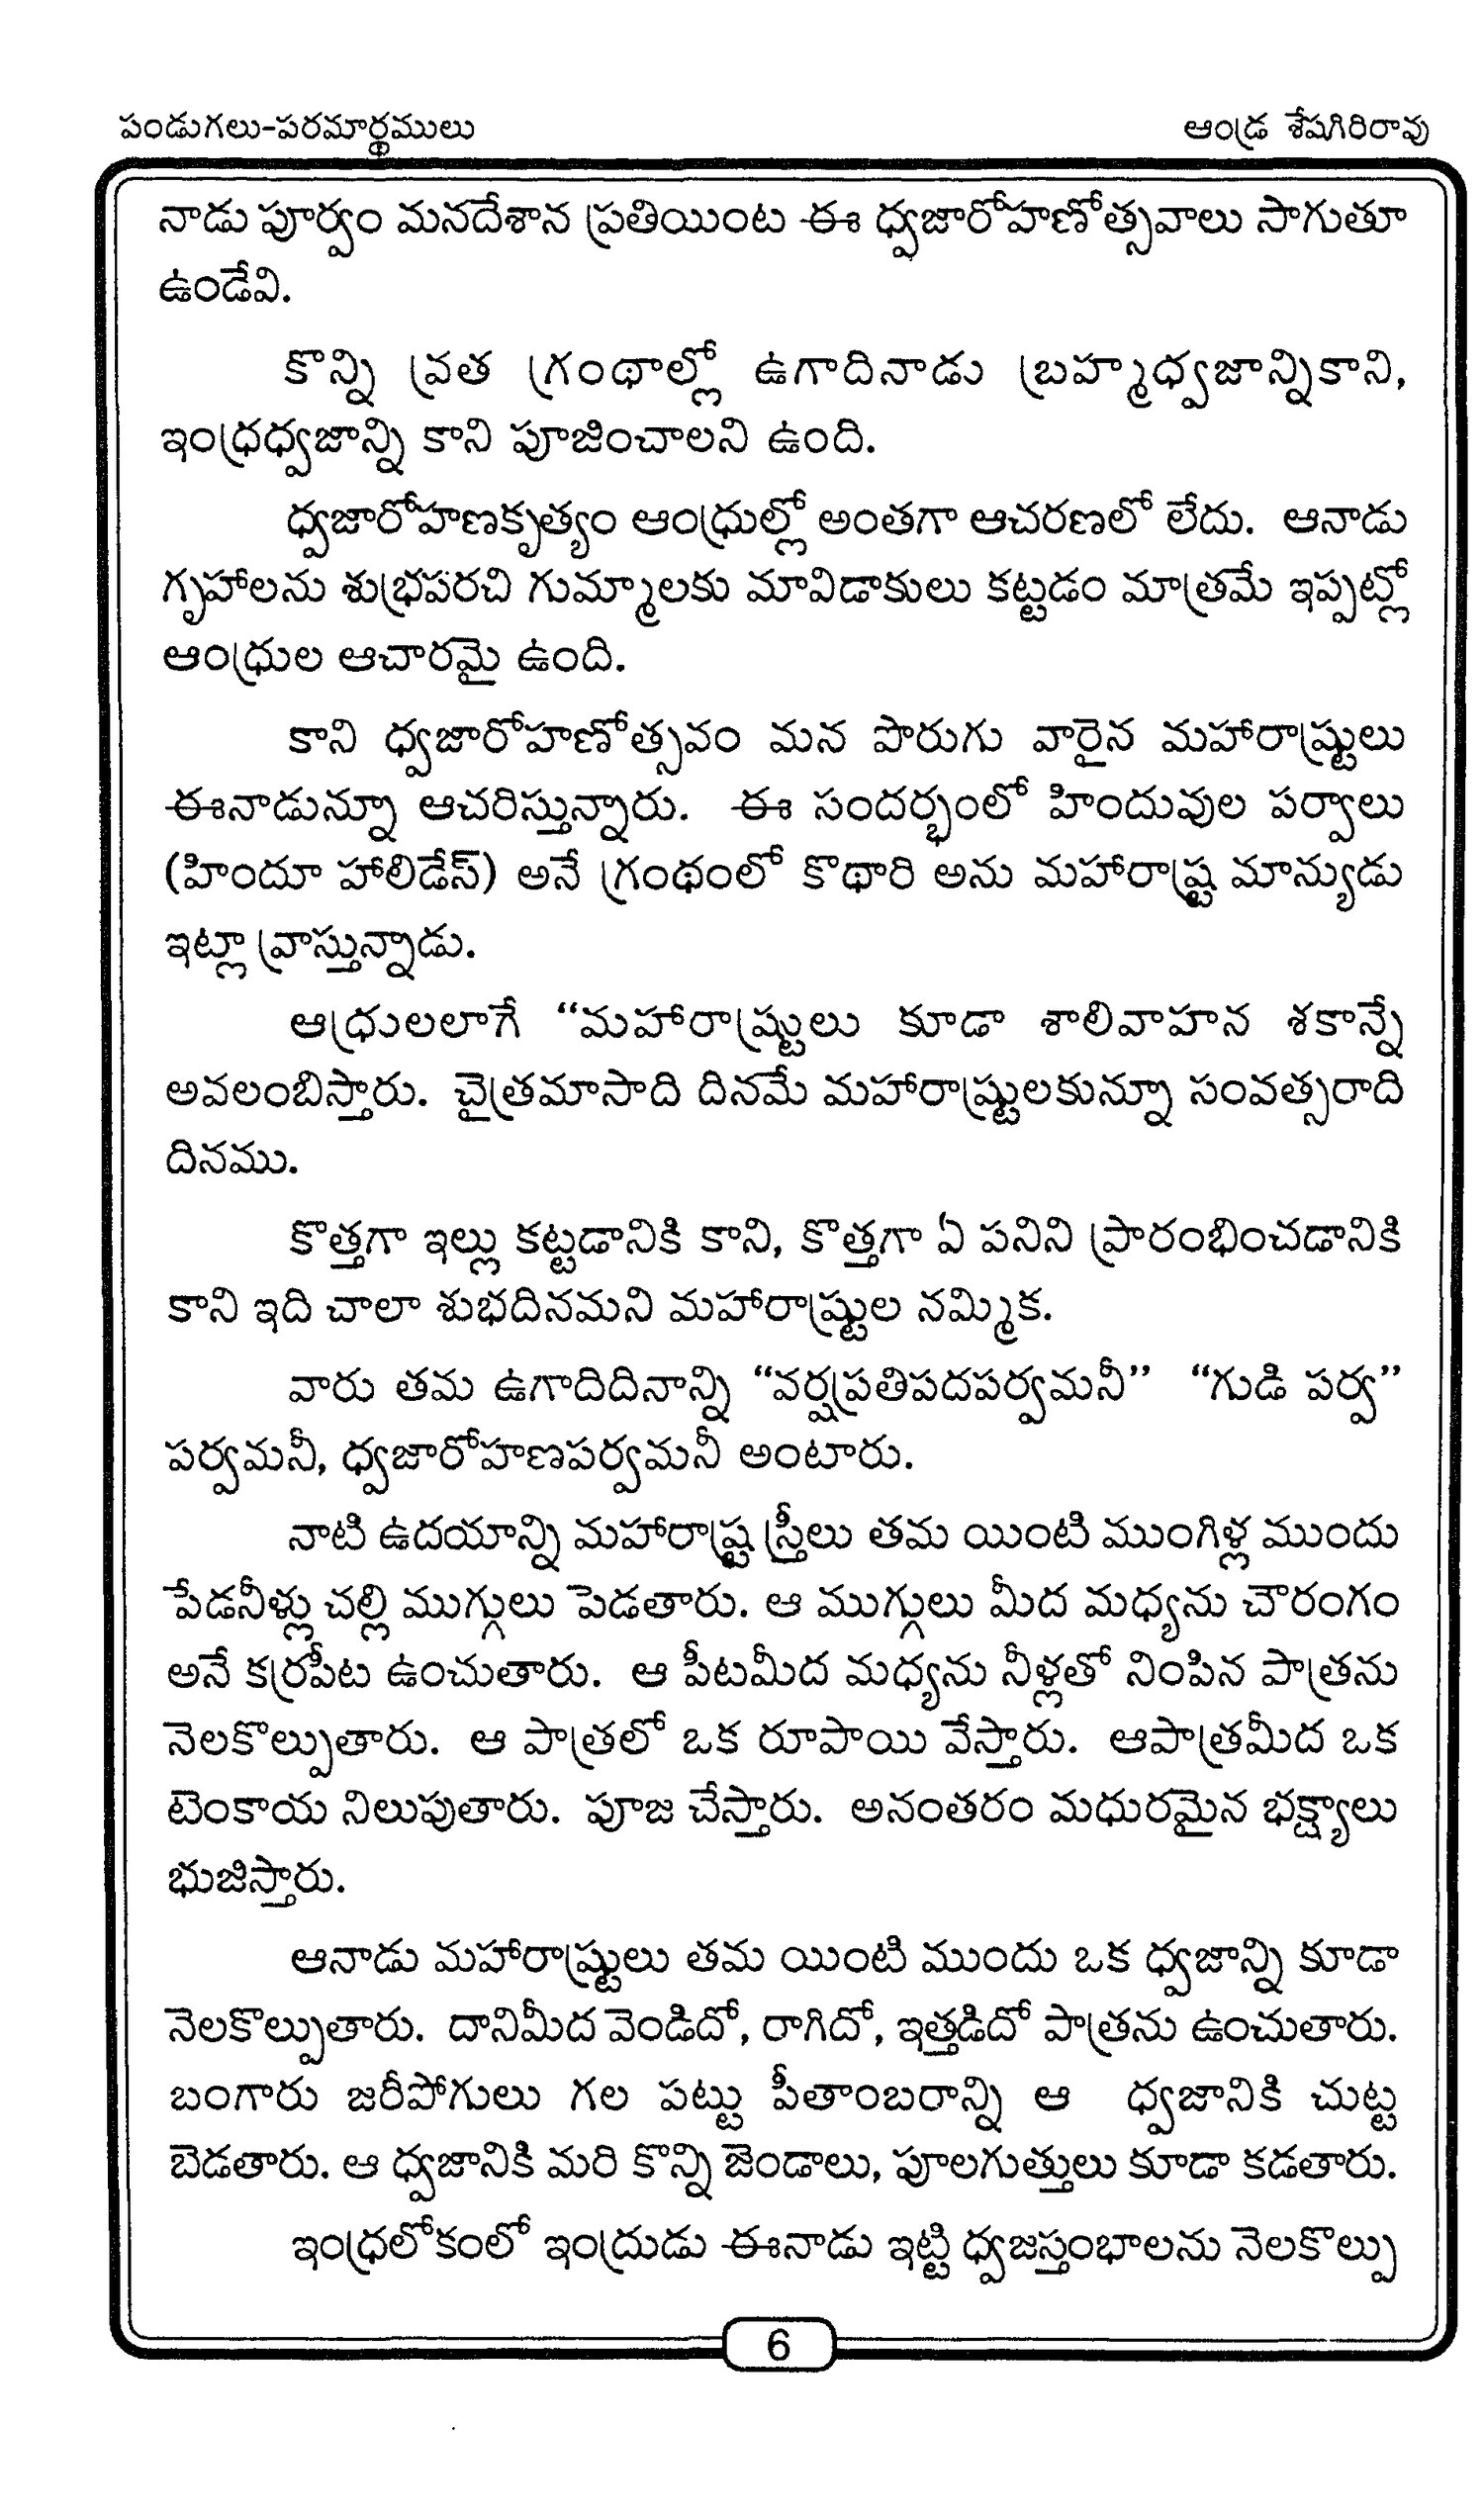నాడు పూర్వం మనదేశాన ప్రతియింట ఎ ధ్వజారోహణోత్సవాలు సాగుతూ ఉండేవి.
 కొన్ని వ్రత గ్రంధాల్లో ఉగాదినాడు బ్రహ్మధ్వజాన్నికాని, ఇంధ్రధ్వజాన్ని కాని పూజించాలని ఉంది.
 ధ్వజారోహణకృత్యం ఆంధ్రుల్లో అంతగా ఆచరణలో లేదు. ఆనాడు గృహాలను శుబ్రపరచి గుమ్మాలకు మావిడాకులు కట్టడం మాత్రమే ఇప్పట్లో ఆంధ్రుల ఆచారమై ఉంది.
 కాని ధ్వజారోహణోత్సవం మన పొరుగు వారైన మహారాష్ట్రులు ఈనాడున్నూ ఆచరిస్తున్నాదు. ఈ సందర్భంలో హిందువుల పర్వాలు (హిందూ హాలిడేస్) అనే గ్రంధంలో కొధారి అను మహారాష్ట్ర మాన్యుడు ఇట్లా వ్రాస్తున్నాడు.
 ఆంధ్రులలాగే "మహారాష్ట్రులు కూడా శాలివాహన శకాన్నే అవలంబిస్తారు. చైత్రమాసాది దినమే మహారాష్ట్రులకున్నూ సంవత్సరారి దినము.
 కొత్తగా ఇల్లు కట్టడానికి కాని, కొత్తగా ఏపనిని ప్రారంభించడానికి కాని ఇది చాలా శుభదినమని మహారాష్ట్రుల నమ్మిక.
 వారి తమ ఉగాదిదినాన్ని "వర్షప్రతిపదపర్వమనీ" "గుడి పర్వ" సర్వమనీ, ధ్వజారోహణపర్వమనీ అంటారు.
 నాటి ఉదయాన్ని మహారాష్ట్ర స్త్రీలు తమ యింటి ముంగిళ్ల ముందు పేడనీళ్లు చల్లి ముగ్గులు పెడతారు. ఆ ముగ్గులు మీద మధ్యను చౌరంగం అనే కర్రపీట ఉంచుతారు. ఆ పీటమీద మధ్యను నీళ్లతో నింపిన పాత్రను నెలకొల్పుతారు. ఆ పాత్రలో ఒక రూపాయి వేస్తారు. ఆపాత్రమీద ఒక టెంకాయ నిలువుతారు. పూజ చేస్తారు. అనంతరం మధురమైన భక్ష్యాలు భుజిస్తారి.
 ఆనాడు మహారాష్ట్రులు తమ యింటి ముందు ఒక ధ్వజాన్ని కూడా నెలకొల్పుతారు. దానిమీదవెండిదో, రాగితో, ఇత్తడిదో పాత్రను ఉంచుతారు. బంగారు జరీపోగులు గల పట్టు పీతాంబరాన్ని ఆ ధ్వజానికి చుట్టబెడతారు. ఆ ధ్వజానికి మరి కొన్ని జెందాలు, పూలగుత్తులు కూడా కడతారు.
 ఇంధ్రలోకంలో ఇంద్రుడు ఈనాడు ఇట్టి ధ్వజసంభాలను నెలకొల్పు